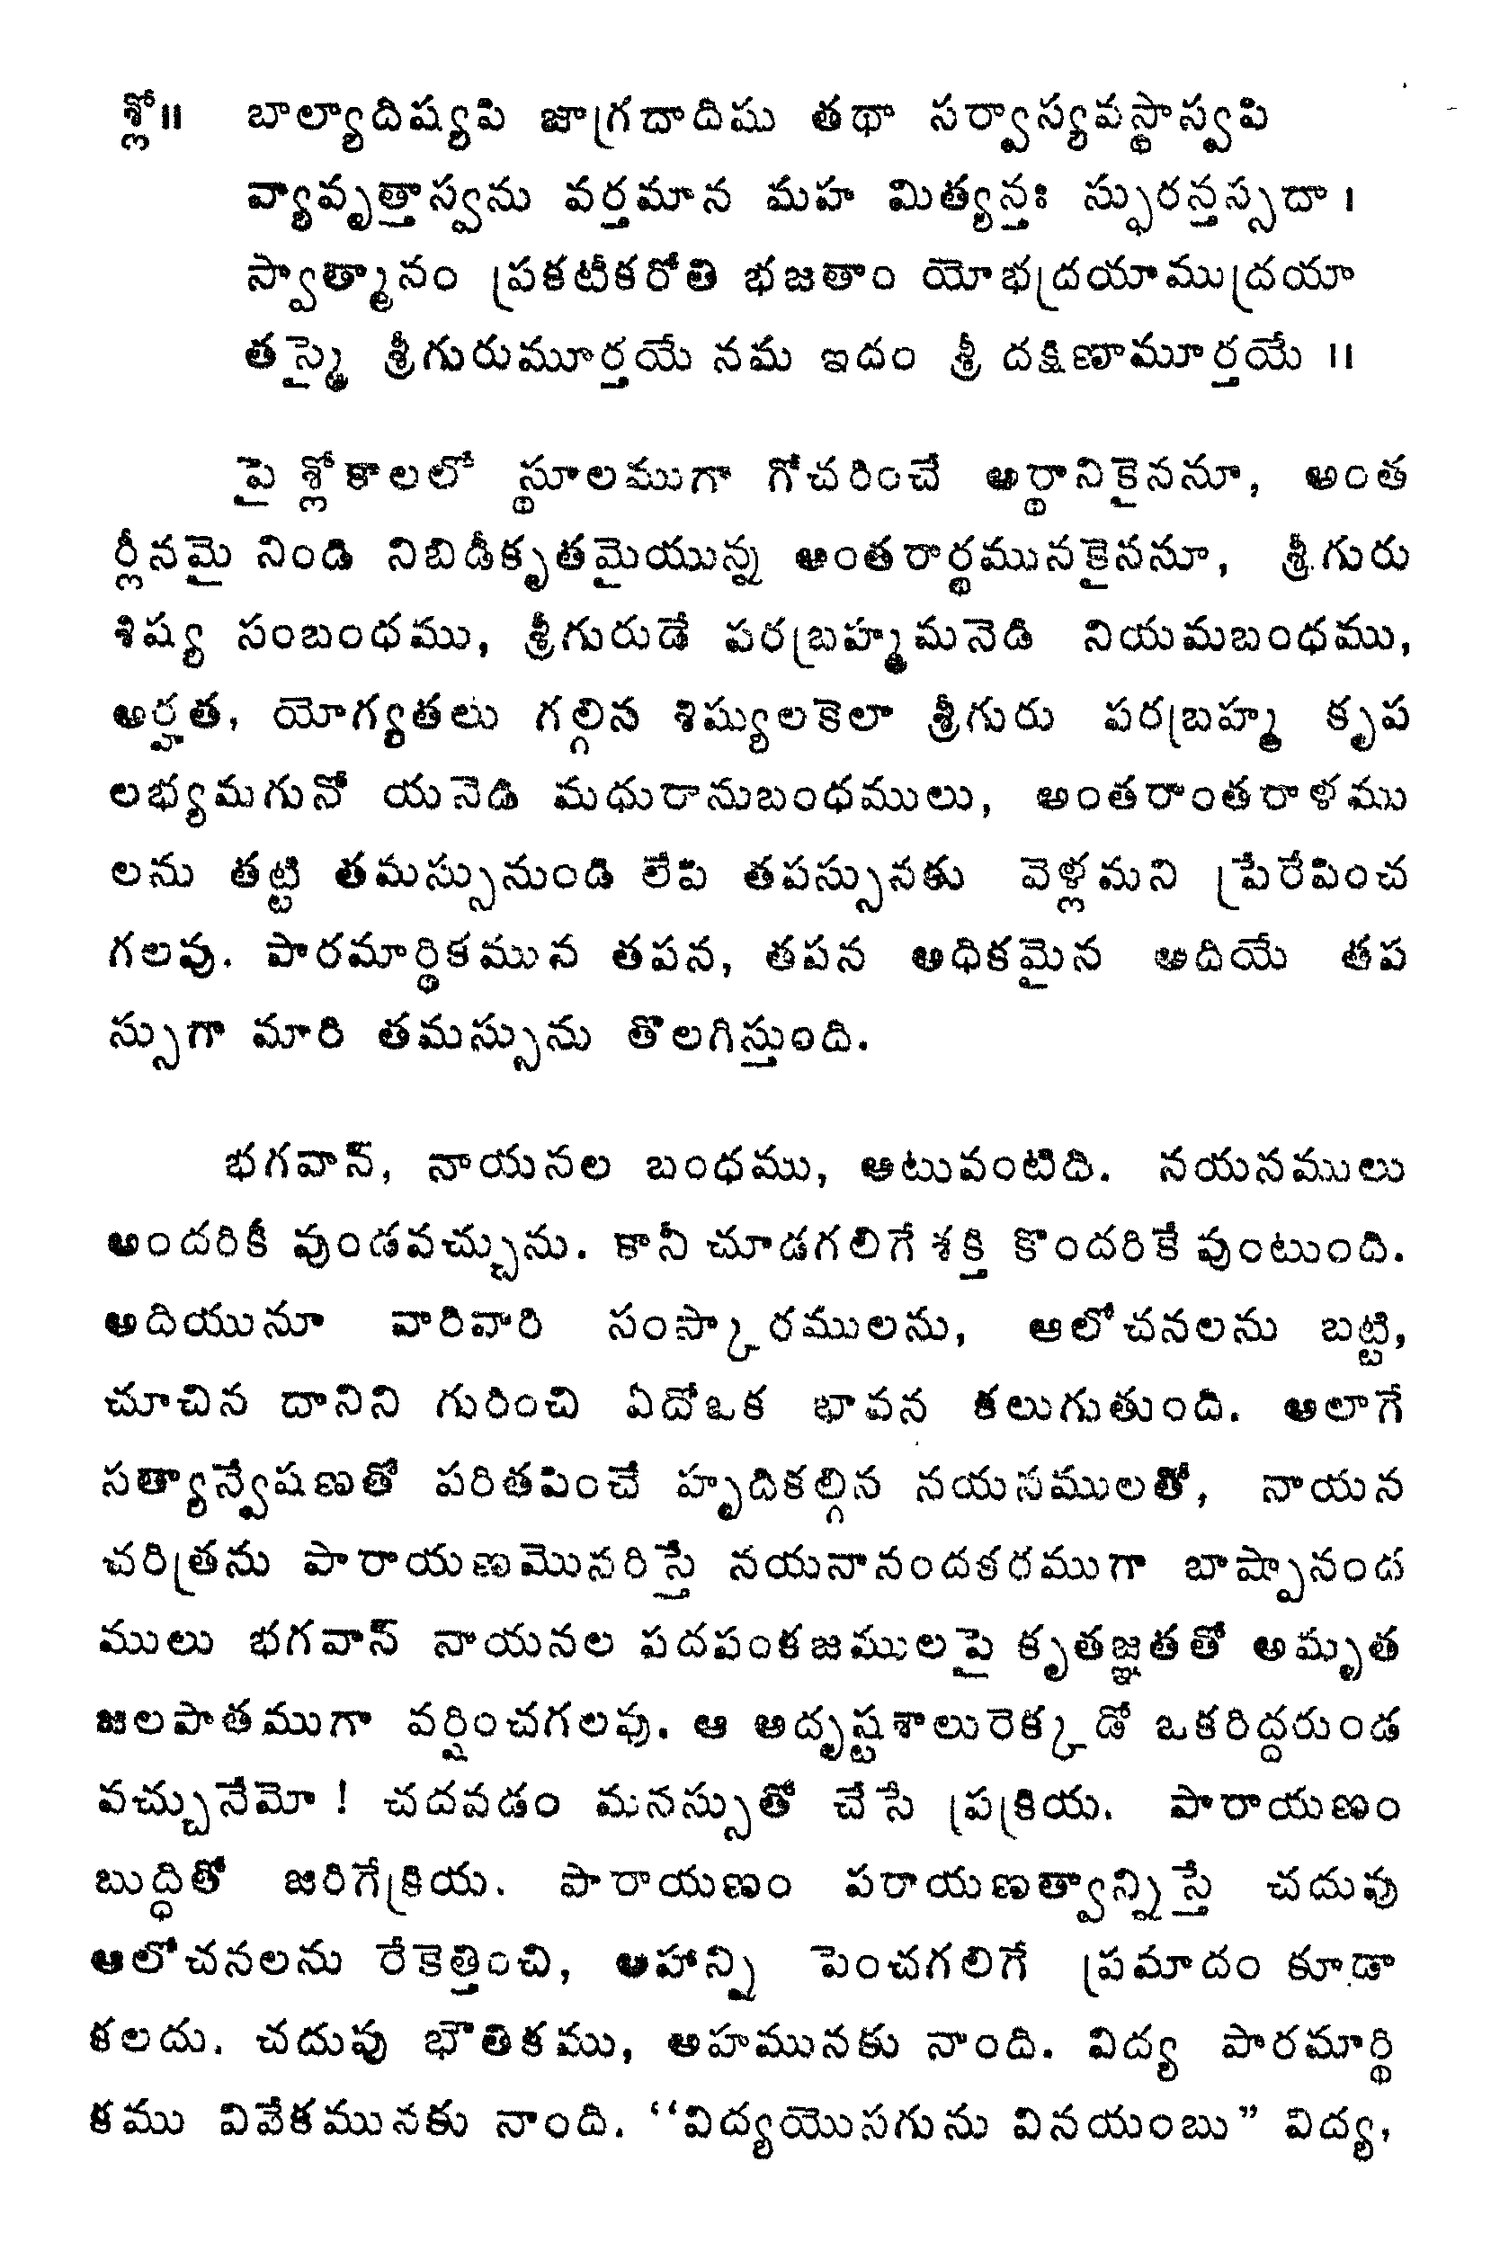పై శ్లోకాలలో స్థూలముగా గోచరించే అర్థానికైననూ, అంతర్లీనమై నిండి నిబిడీకృతమైయున్న అంతరార్థమునకైననూ, శ్రీగురు శిష్య సంబంధము, శ్రీగురుడే పరబ్రహ్మమనెడి నియమబంధము, అర్హత, యోగ్యతలు గల్గిన శిష్యులకెలా శ్రీగురు పరబ్రహ్మ కృప లభ్యమగునో యనెడి మధురానుబంధములు. అంతరాంతరాళములను తట్టి తమస్సునుండి లేపి తపస్సునకు వెళ్లమని ప్రేరేపించ గలవు. పారమార్ధికమున తపన, తపన అధికమైన అదియే తపస్సుగా మారి తమస్సును తొలగిస్తుంది.

భగవాన్, నాయనల బంధము, అటువంటిది. నయనములు అందరికీ వుండవచ్చును. కానీ చూడకలిగే శక్తి కొందరికే వుంటుంది. అదియునూ వారివారి సంస్కారములను, ఆలోచనలను బట్టి, చూచిన దానిని గురించి ఏదోఒక భావన కలుగుతుంది. అలాగే సత్యాన్వేషణతో పరితపించే హృదికల్గిన నయనములతో, నాయన చరిత్రను పారాయణమొనరిస్తే నయనానందకరముగా బాష్పానందములు భగవాన్ నాయనల పదపంకజములపై కృతజ్ఞతతో అమృత జలపాతముగా వర్షించగలవు. ఆ అదృష్టశాలురేక్కడో ఒకరిద్దరుండ వచ్చునేమో ! చదవడం మనస్సుతో చేసే ప్రక్రియ. పారాయణం బుద్ధితో జరిగేక్రియ. పారాయణం పరాయణత్వాన్నిస్తే చదువు ఆలోచనలను రేకెత్తించి, అహాన్ని పెంచగలిగే ప్రమాదం కూడా కలదు. చదువు భౌతికము, అహమునకు నాంది. విద్య పారమార్థికము వివేకమునకు నాంది. "విద్యయొసగును వినయంబు" విద్య,